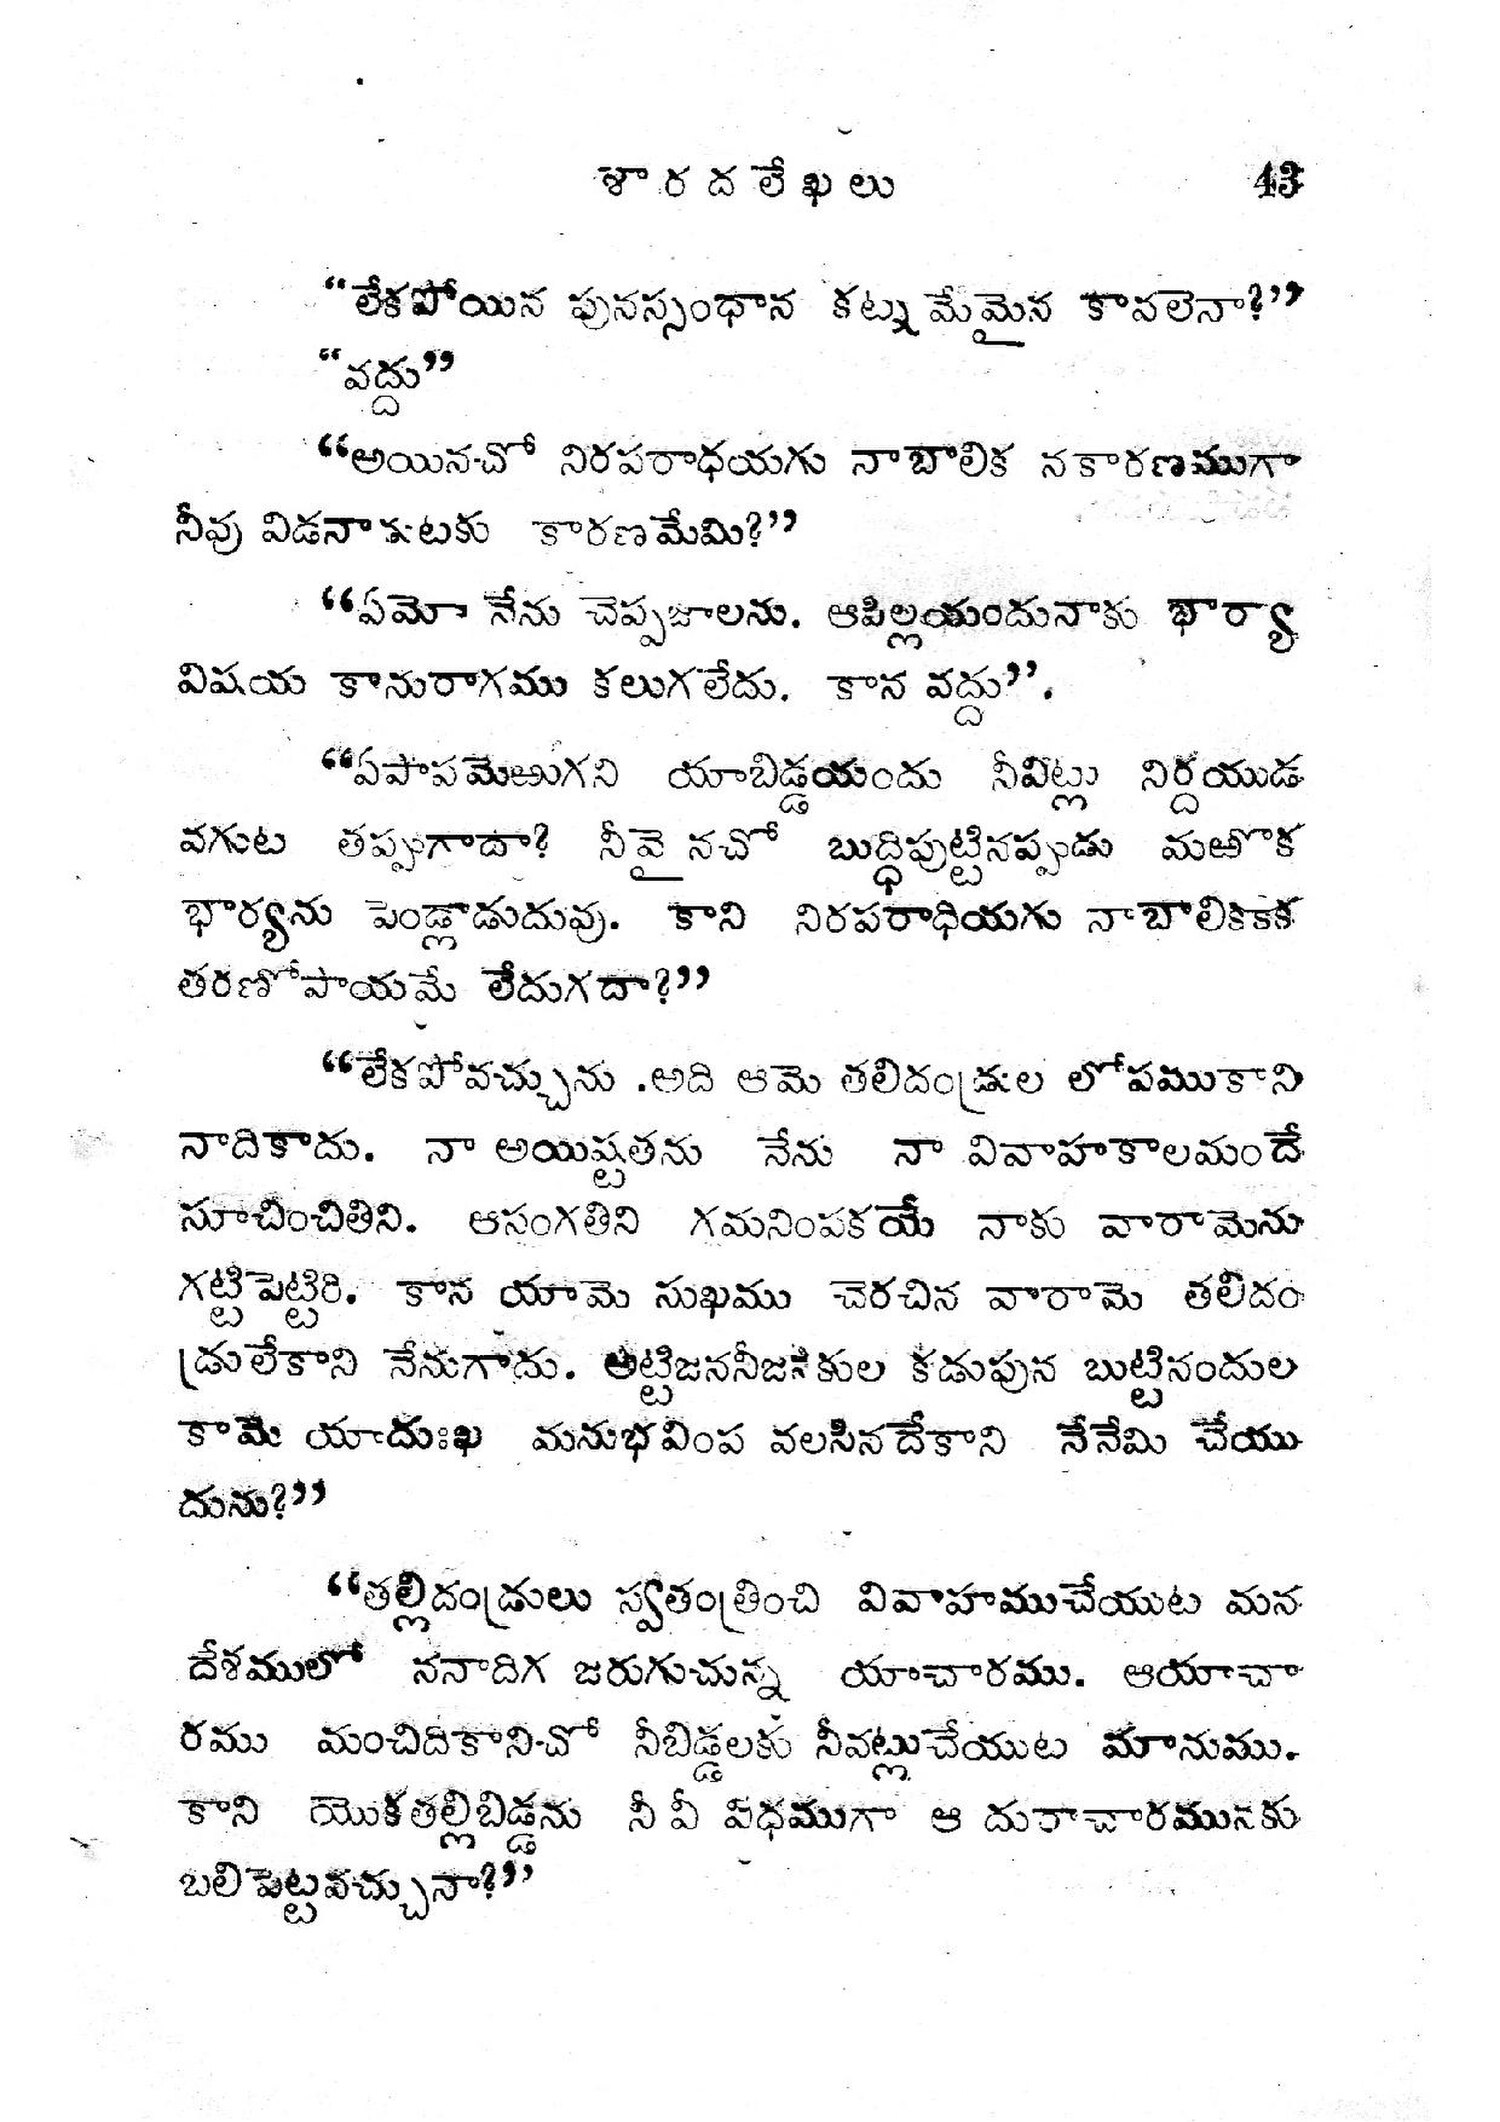"లేకపోయిన పునస్సంధాన కట్నమేమైన కావలెనా?"

"వద్దు”

“అయినచో నిరపరాధయగు నాబాలిక నకారణముగా నీవు విడనాడుటకు కారణమేమి?"

"ఏమో నేను చెప్పజాలను. ఆపిల్లయందునాకు భార్యావిషయ కానురాగము కలుగలేదు. కాన వద్దు”.

“ఏపాపమెఱుగని యాబిడ్డయందు నీవిట్లు నిర్దయుడవగుట తప్పుగాదా? నీవైనచో బుద్ధిపుట్టినప్పుడు మఱొక
భార్యను పెండ్లాడుదువు. కాని నిరపరాధియగు నాబాలికకిక తరణోపాయమే లేదుగదా?"

“లేకపోవచ్చును. అది ఆమె తలిదండ్రుల లోపముకాని నాదికాదు. నా అయిష్టతను నేను నా వివాహకాలమందే సూచించితిని. ఆసంగతిని గమనింపకయే నాకు వారామెను గట్టిపెట్టిరి. కాన యామె సుఖము చెరచిన వారామె తలిదండ్రులేకాని నేనుగాదు. అట్టిజననీజనకుల కడుపున బుట్టినందులకామె యాదుఃఖ మనుభవింప వలసినదేకాని నేనేమి చేయుదును?"

“తల్లిదండ్రులు స్వతంత్రించి వివాహముచేయుట మనదేశములో ననాదిగ జరుగుచున్న యాచారము. ఆయాచారము మంచిదికానిచో నీబిడ్డలకు నీవట్లుచేయుట మానుము. కాని యొకతల్లిబిడ్డను నీ వీ విధముగా ఆ దురాచారమునకు బలిపెట్టవచ్చునా?”